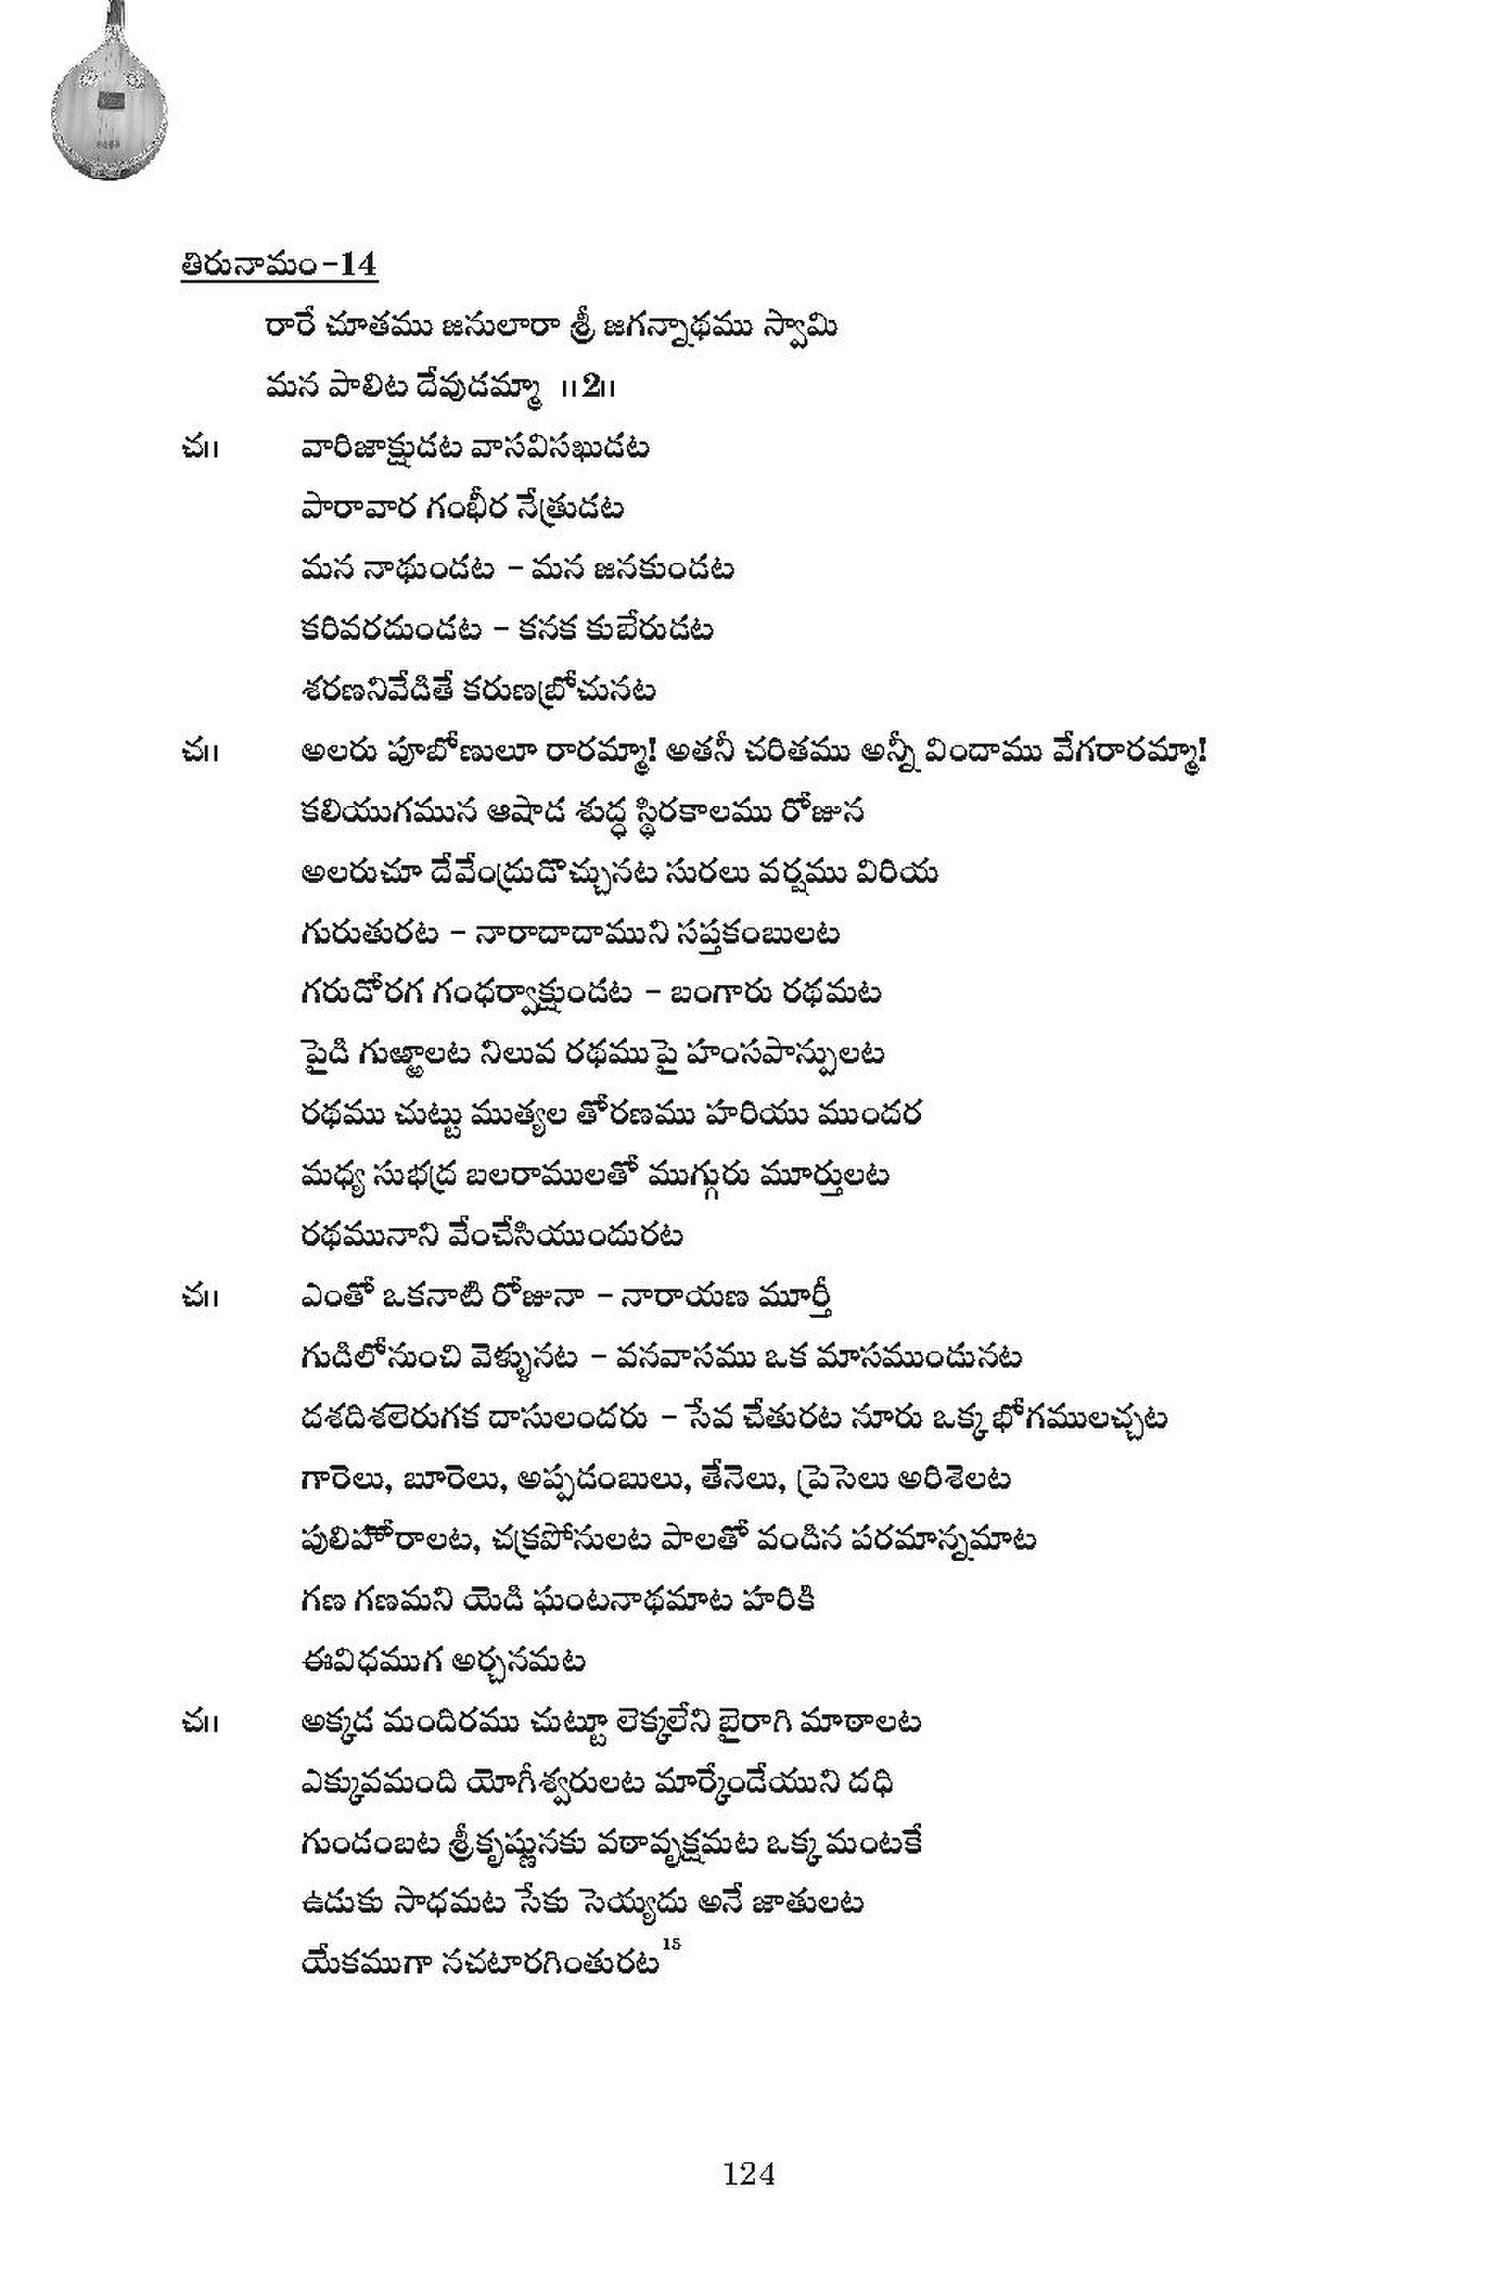తిరునామం -14

రారే చూతము జనులారా శ్రీ జగన్నాథము స్వామి
మన పాలిట దేవుడమ్మా ౹౹2౹౹

చ౹౹ వారిజాక్షుడట వాసవిసఖుడట
పారావార గంభీర నేత్రుడట
మన నాథుండట - మన జనకుండట
కరివరదుండట - కనక కుబేరుడట
శరణనివేడితే కరుణబ్రోచునట

చ౹౹ అలరు పూబోణులూ రారమ్మా! అతనీ చరితము అన్నీ విందాము వేగరారమ్మా!
కలియుగమున ఆషాడ శుద్ధ స్థిరకాలము రోజున
అలరుచూ దేవేంద్రుడొచ్చునట సురలు వర్షము విరియ
గురుతురట - నారాదాదాముని సప్తకంబులట
గరుదోరగ గంధర్వాక్షుండట - బంగారు రథమట
పైడి గుఱ్ఱాలట నిలువ రథముపై హంసపాన్పులట
రథము చుట్టు ముత్యల తోరణము హరియు ముందర
మధ్య సుభద్ర బలరాములతో ముగ్గురు మూర్తులట
రథమునాని వేంచేసియుందురట

చ౹౹ ఎంతో ఒకనాటి రోజునా - నారాయణ మూర్తీ
గుడిలోనుంచి వెళ్ళునట - వనవాసము ఒక మాసముందునట
దశదిశలెరుగక దాసులందరు - సేవ చేతురట నూరు ఒక్క భోగములచ్చట
గారెలు, బూరెలు, అప్పడంబులు, తేనెలు, ప్రెసెలు అరిశెలట
పులిహోరాలట, చక్రపోనులట పాలతో వండిన పరమాన్నమాట
గణ గణమని యెడి ఘంటనాథమాట హరికి
ఈవిధముగ అర్చనమట

చ౹౹ అక్కడ మందిరము చుట్టూ లెక్కలేని బైరాగి మాఠాలట
ఎక్కువమంది యోగీశ్వరులట మార్కేండేయుని దధి
గుండంబట శ్రీకృష్ణునకు వఠావృక్షమట ఒక్క మంటకే
ఉదుకు సాధమట సేకు సెయ్యదు అనే జాతులట
యేకముగా నచటారగింతురట